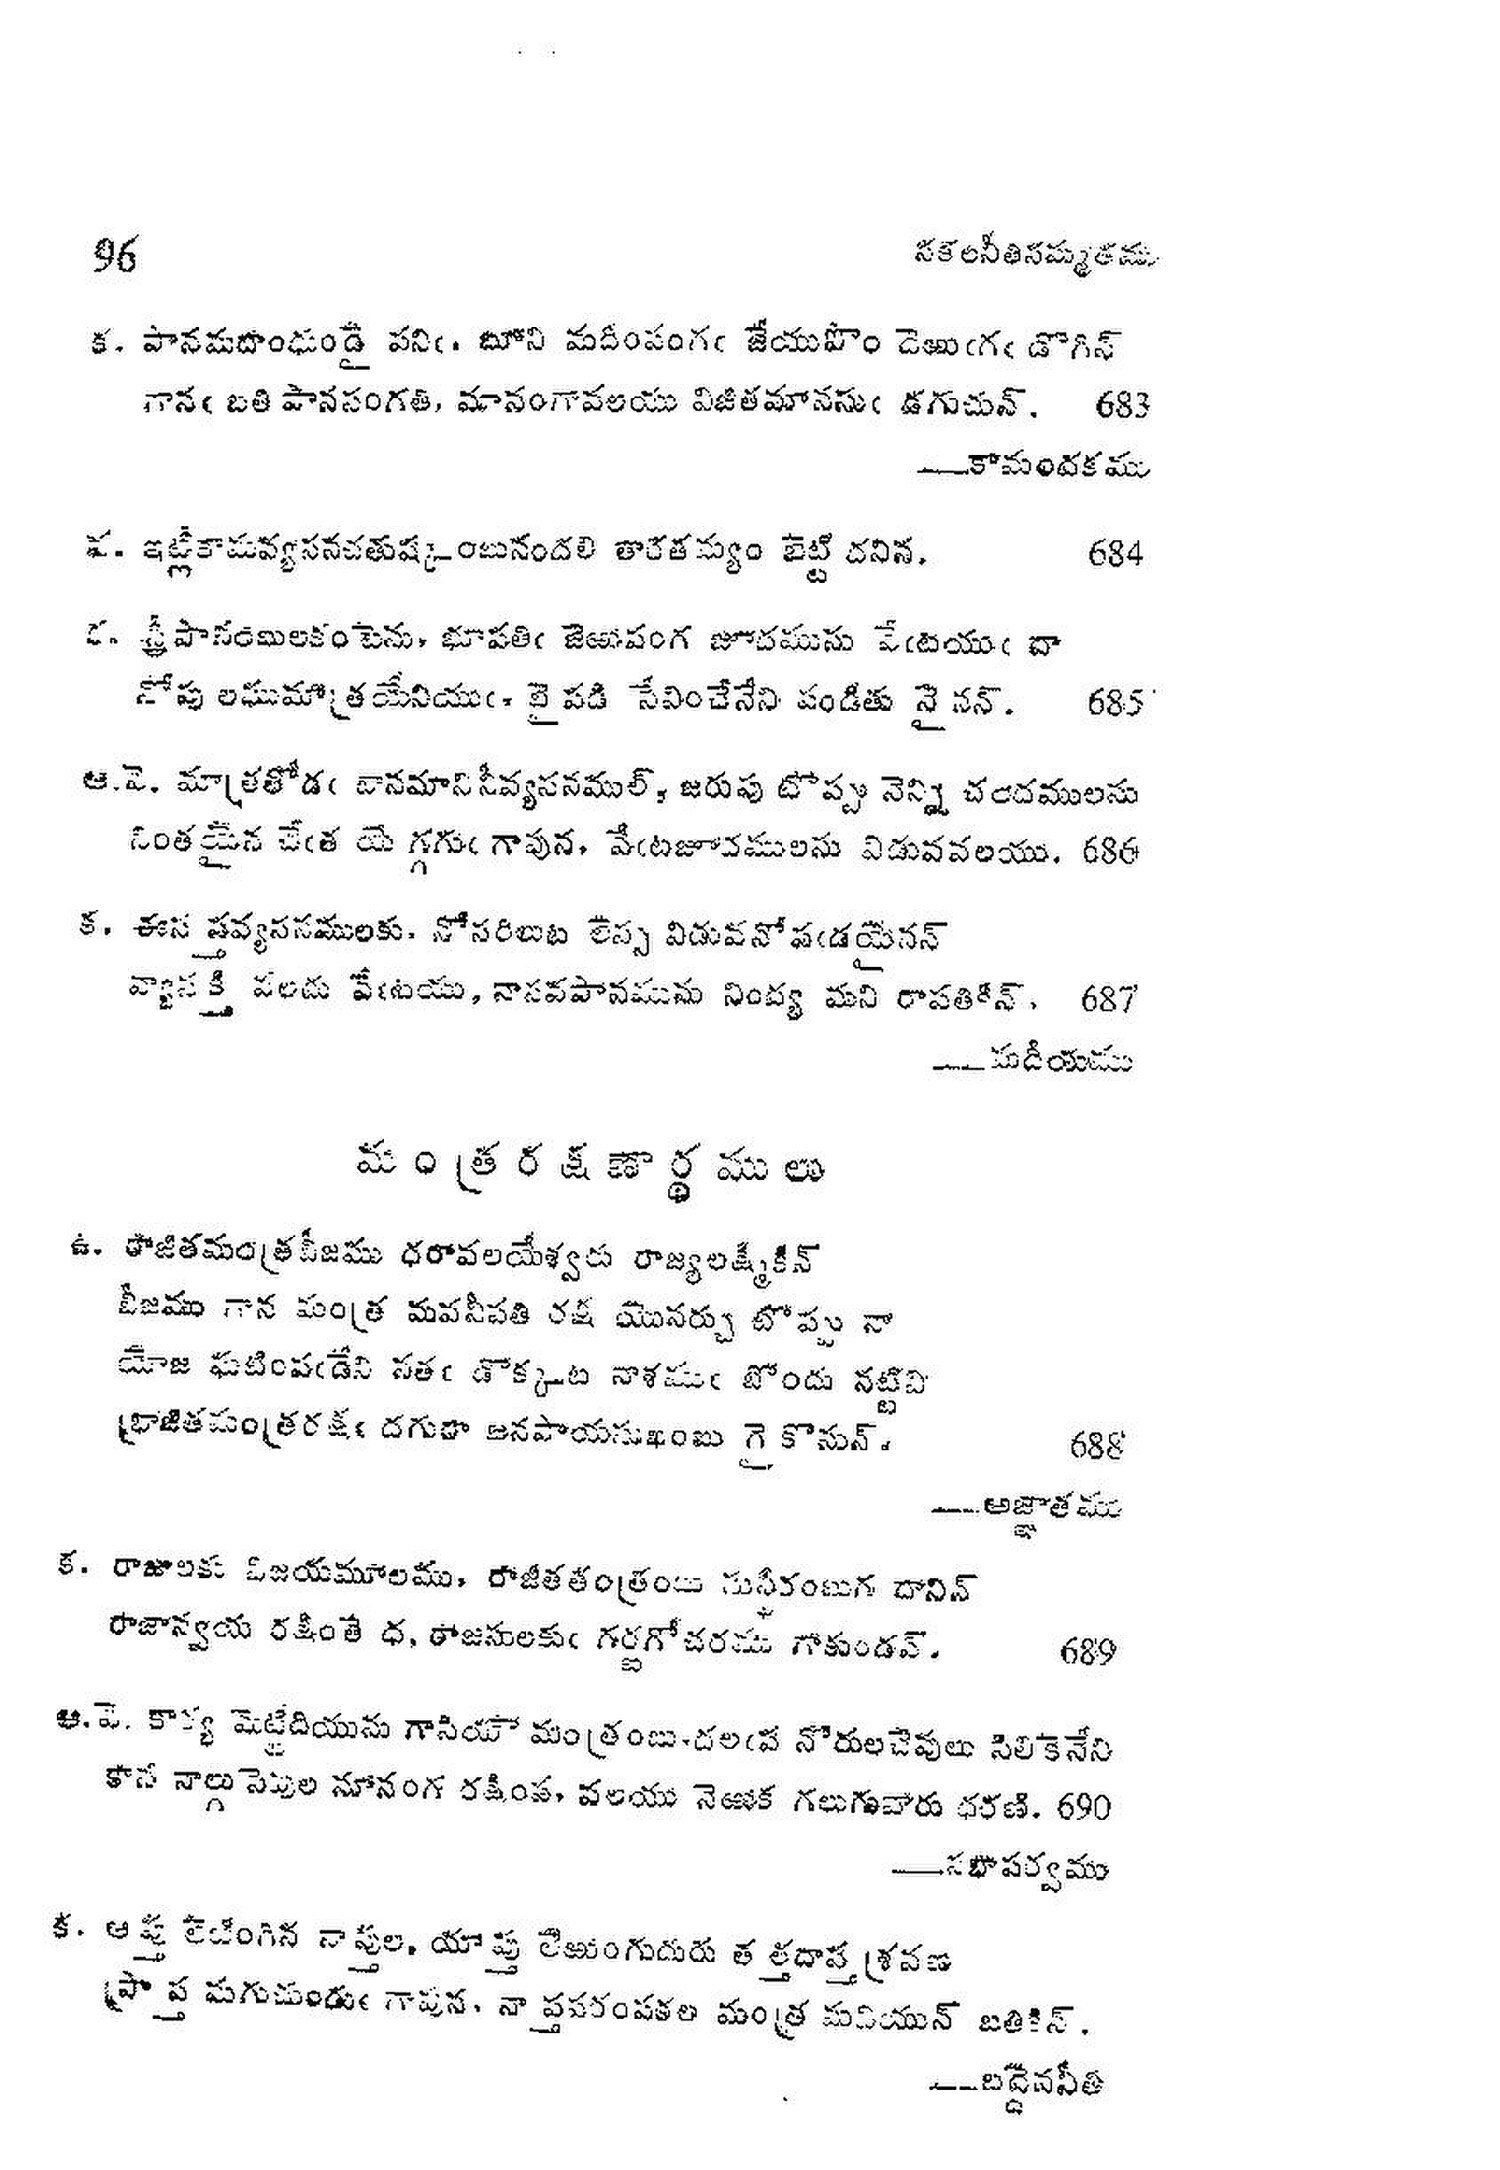క. పానమదాంధుఁడై పనిఁ
బూని మదింపంగఁ జేయు పొం దెఱుఁగఁ డొగిన్
గానఁ బతి పానసంగతి
మానంగావలయు విజితమానసుఁ డగుచున్. 683

వ. ఇట్లీకామవ్యసనచతుష్కంబునందలి తారతమ్యం బెట్టి దనిన. 684

క. స్త్రీపానంబులకంటెను
భూపతిఁ జెఱుపంగ జూదమును వేఁటయుఁ దా
నోపు లఘుమాత్రమేనియుఁ
బై పడి సేవించెనేని పండితుఁ డైనన్. 685

ఆ. మాత్రతోడఁ బనమానినీవ్యసనముల్
జరుపు టొప్పు నెన్ని చందములను
నింతయైన చేఁత యెగ్గగుఁ గావున
వేఁటజూదములను విడువవలయు. 686

క. ఈసప్తవ్యసనములకు
నోసరిలుట లెస్స విడువనోపఁడయైనన్
వ్యాసక్తి వలదు వేఁటయు
నాసవపానమును నింద్య మని రాపతికిన్. 687

ఉ. రాజితమంత్రబీజము ధరావలయేశ్వరు రాజ్యలక్ష్మికిన్
బీజము గాన మంత్ర మవనీపతి రక్ష యొనర్చు టొప్పు నా
యోజ ఘటింపఁడేని నతఁ డొక్కట నాశముఁ బొందు నట్టిని
భ్రాజితమంత్రరక్షఁ దగురా జనపాయసుఖంబు గైకొనున్. 688

క. రాజులకు విజయమూలము
రాజితతంత్రంబు సుస్థిరంబుగ దానిన్
రాజాన్వయ రక్షింతె ధ
రాజనులకుఁ గర్ణగోచరము గాకుండన్. 689

ఆ. కార్య మెట్టిదియును గాసియౌ మంత్రంబు
దలఁప నొరులచెవులు సిలికెనేని
కాన నాల్గుసేవుల నూనంగ రక్షింప
వలయు నెఱుక గలుగువారు ధరణి. 690

క. ఆప్తు లెఱింగిన నాప్తుల
యాప్తు లెఱుంగుదురు తత్తదాప్తశ్రవణ
ప్రాప్త మగుచుండుఁ గావున
నాప్తపరంపరల మంత్ర మవియున్ బతికిన్. 691